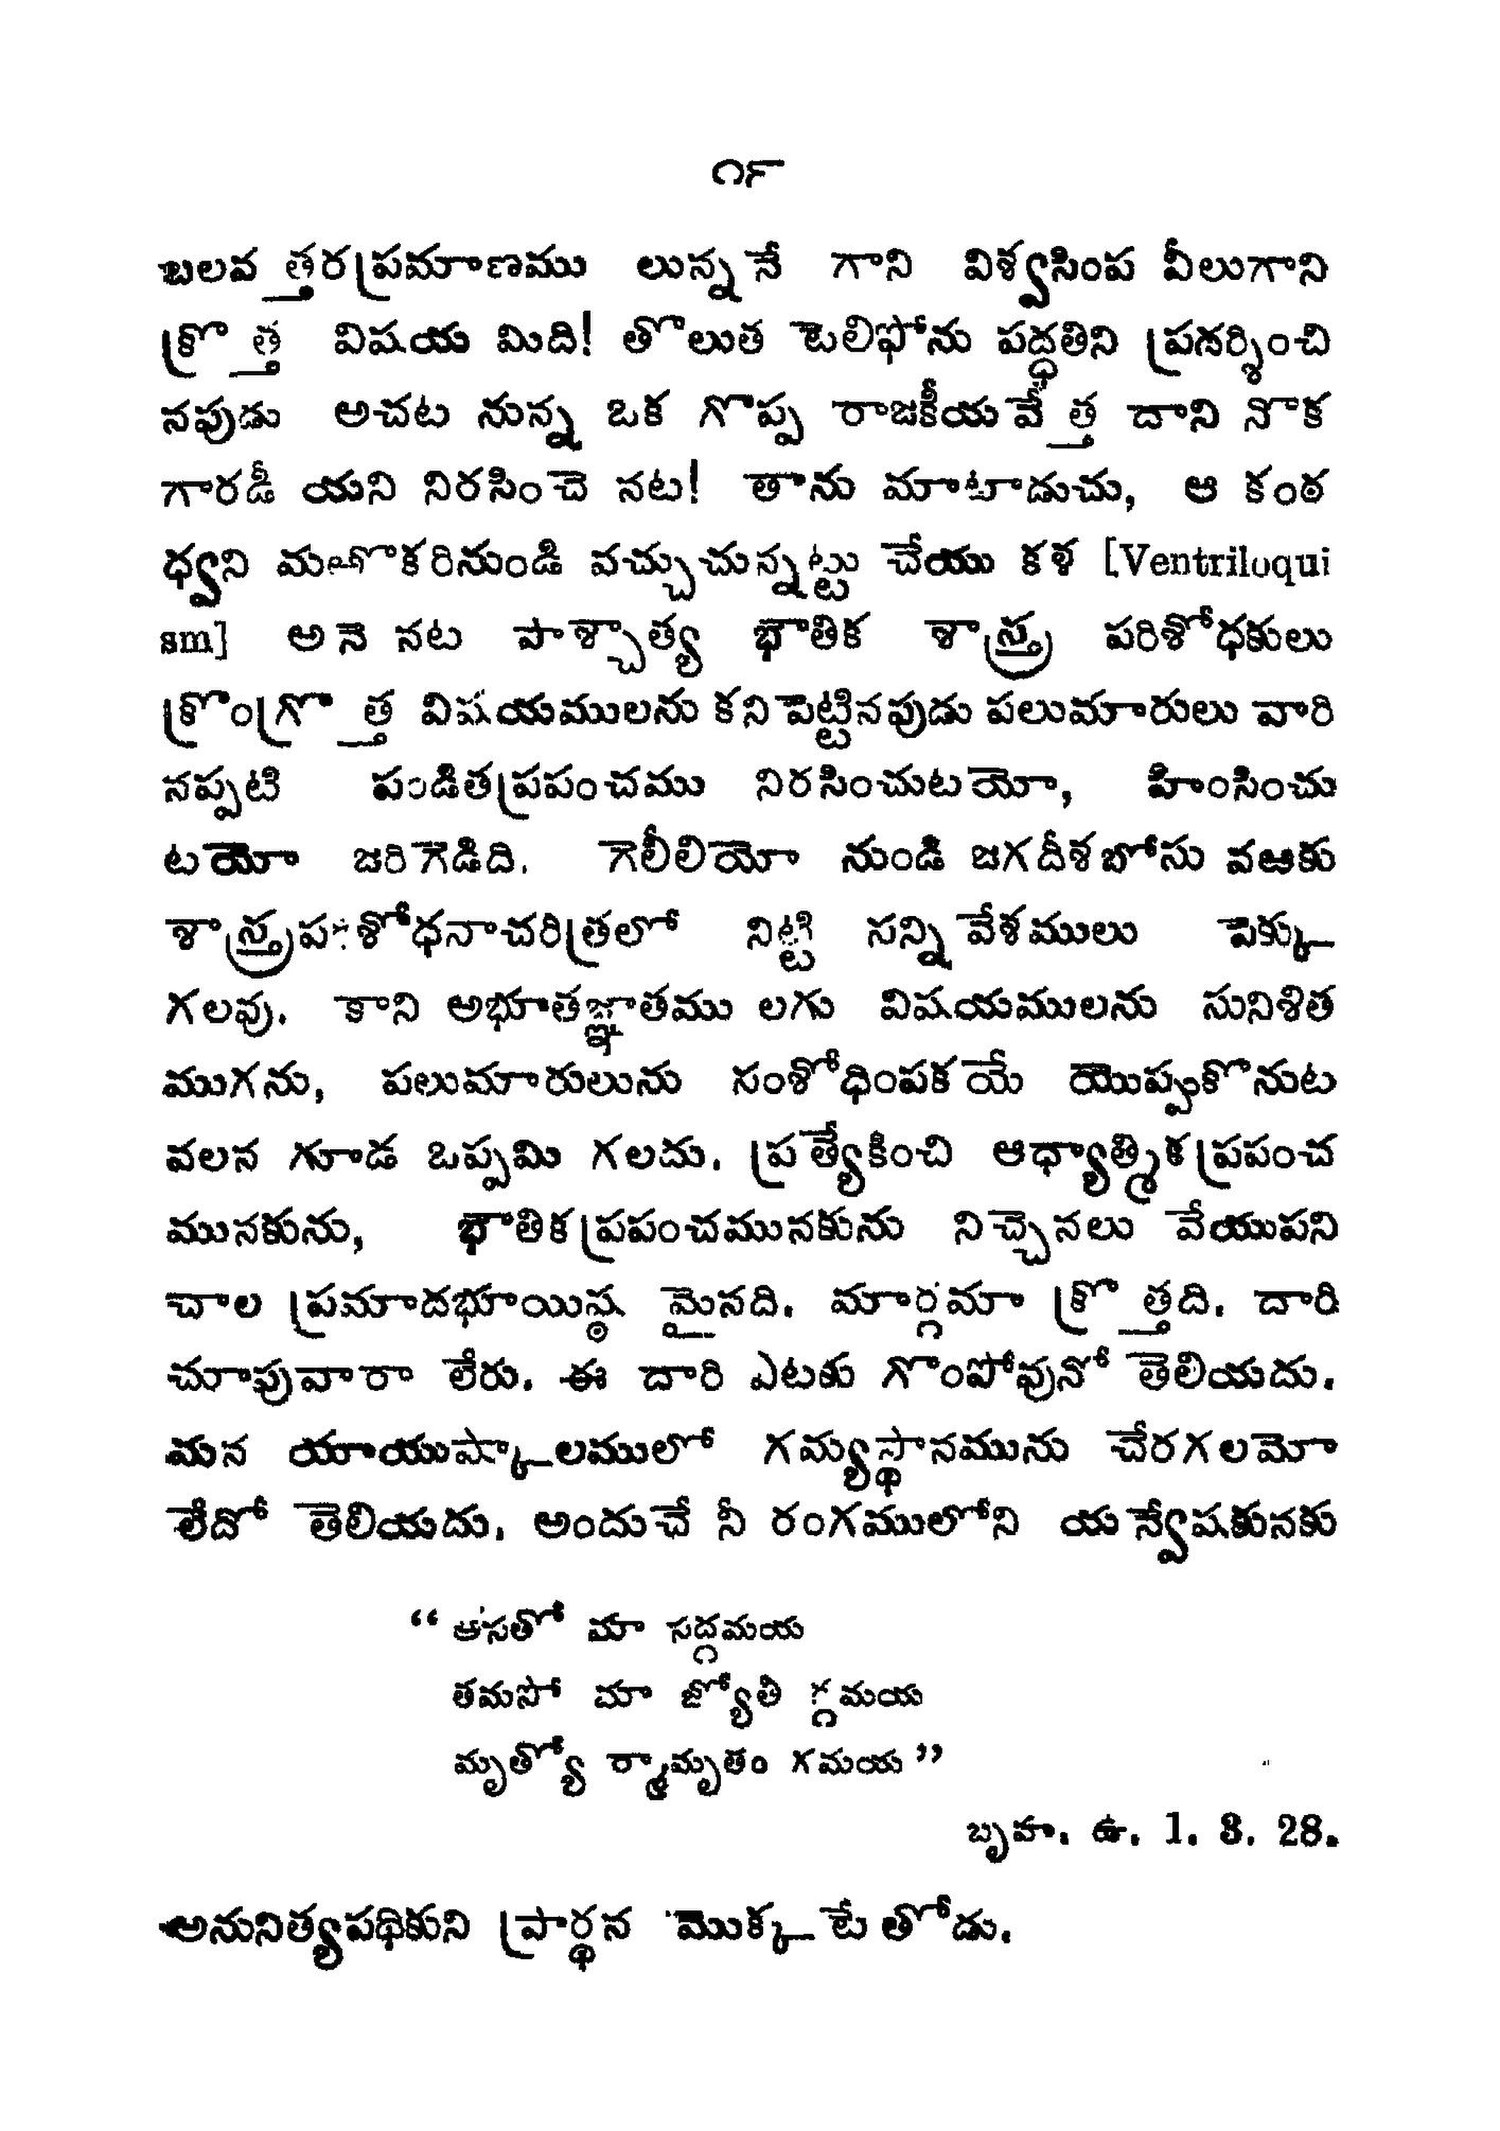బలవ త్తర ప్రమాణము లున్ననే గాని విశ్వసింప వీలుగాని క్రొత్త విషయ మిది! తొలుత టెలిఫోను పద్ధతిని ప్రదర్శించినపుడు అచట నున్న ఒక గొప్ప రాజకీయ వేత్త దాని నొక గారడీ యని నిరసించె నట! తాను మాటాడుచు, ఆ కంఠద్వ ని మఱొకరినుండి వచ్చుచున్నట్టు చేయు కళ (ventrilo quism) అనె నట పాశ్చాత్య భౌతిక శాస్త్ర పరిశోధకులు క్రొంగ్రొత్త విషయములను కని పెట్టినపుడు పలుమారులు వారి నప్పటి పండిత ప్రపంచము హసించుటయో, హింసించుటయో జరగెడిది. గెలీలియో నుండి జగదీశబోసు వఱకు శాస్త్రపరిశోధనా చరిత్రలో నిట్టి సన్నివేశములు పెక్కుగలవు. కాని అభూతజ్ఞాతము లగు విషయములను సునిశిత ముగను, పలుమారులును సంశోధింపక యే యొప్పుకొనుట వలన గూడ ఒప్పుమి గలదు. ప్రత్యేకించి ఆధ్యాత్మిక ప్రపంచమునకును, భౌతిక ప్రపంచమునకును నిచ్చెనలు వేయుపని చాల ప్రమాదభూయిష్ఠమైనది. మార్గమా క్రొత్తది. దారి చూపువారా లేరు. ఈ దారి ఎటకు గొంపోవునో తెలియదు. మన యాయుష్కాల ములో గమ్యస్దానమును చేరగలమో లేదో తెలియదు. అందుచే నీ రంగములోని యన్వేషకునకు 

 "అసతో మా సద్గమయి 
 తమసో మా జ్యోతి ర్గమయ 
 మృత్యో ర్మామృతం గమయ"
 బృహ. ఉ. 1, ౩. 28.
 అను నిత్యపధికుని ప్రార్ధన మొక్కటే తోడు,